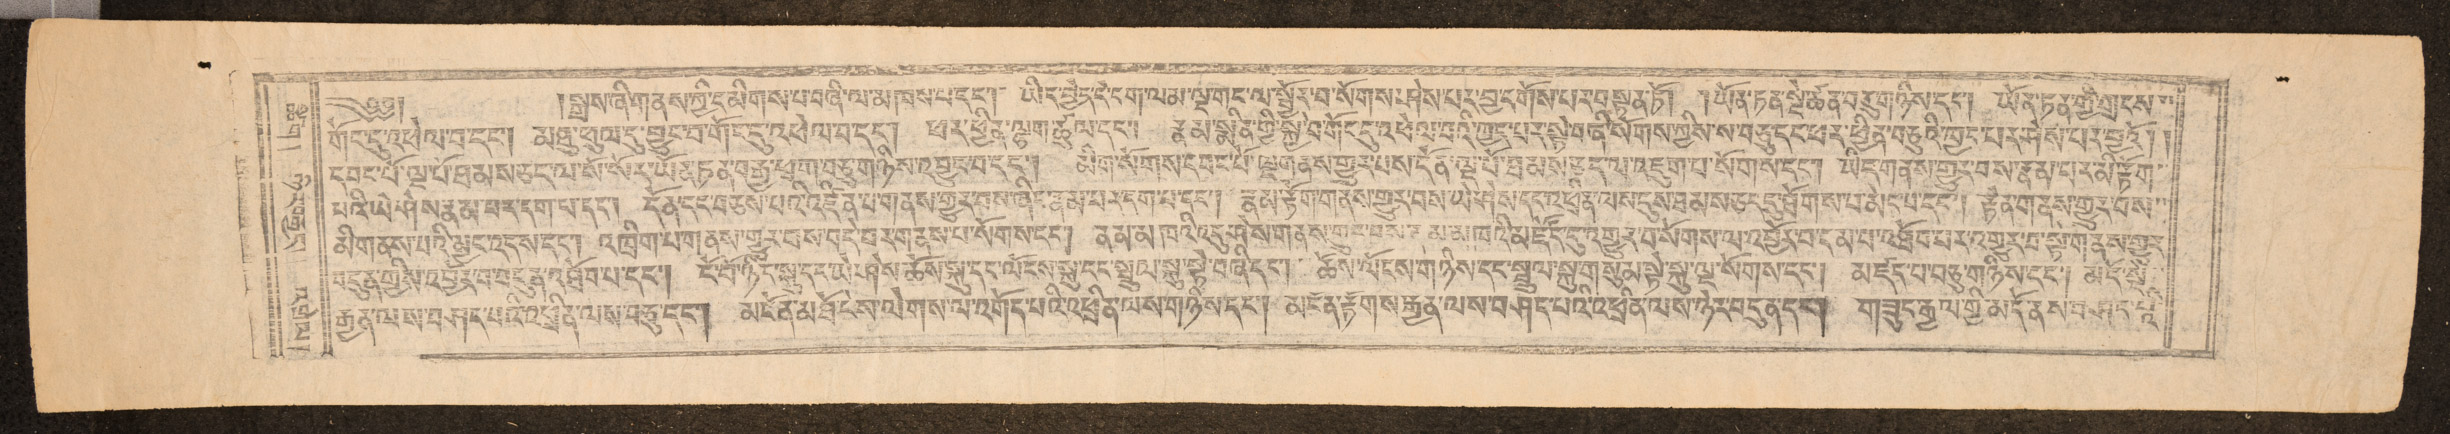༄༅། །སྒྲས་ཞི་གནས་ཀྱི་དམིགས་པ་བཞི་ལ་མཁས་པ་དང་། ཡིད་བྱེད་དེ་དག་ལམ་ལྔ་གང་ལ་སྦྱོར་བ་སོགས་ཤེས་པར་བྱང་གོས་པར་བསྟན་ཏོ། །ཡོན་ཏན་སྡེ་ཚན་བཅུ་གཉིས་དང་། ཡོན་ཏན་གྱི་གྲངས་
གོང་དུ་འཕེལ་བ་དང་། མཐུ་ཕུལ་དུ་བྱུང་བ་གོང་དུ་འཕེལ་བ་དང་། ཕར་ཕྱིན་ལྷག་ཚུལ་དང་། རྣམ་སྨིན་གྱི་སྐྱེ་བ་གོང་དུ་འཕེལ་བའི་ཁྱད་པར་སྟེ་བཞི་སོགས་ཀྱིས་ས་བཅུ་དང་ཕར་ཕྱིན་བཅུའི་ཁྱད་པར་ཤེས་པར་བྱའོ། །
དབང་པོ་ལྔ་པོ་ཐམས་ཅད་ལ་སོ་སོར་ཡོན་ཏན་བརྒྱ་ཕྲག་བཅུ་གཉིས་འབྱུང་བ་དང་། མིག་སོགས་དབང་པོ་ལྔ་གནས་གྱུར་པས་དོན་ལྔ་པོ་ཐམས་ཅད་ལ་འཇུག་པ་སོགས་དང་། ཡིད་གནས་གྱུར་བས་རྣམ་པར་མི་རྟོག་
པའི་ཡེ་ཤེས་རྣམ་པར་དག་པ་དང་། དོན་དང་བཅས་པའི་འཛིན་པ་གནས་གྱུར་པས་ཞིང་རྣམ་པར་དག་པ་དང་། རྣམ་རྟོག་གནས་གྱུར་བས་ཡེ་ཤེས་དང་འཕྲིན་ལས་དུས་ཐམས་ཅད་དུ་ཐོགས་པ་མེད་པ་དང་། རྟེན་གནས་གྱུར་པས་
མི་གནས་པའི་མྱང་འདས་དང་། འཁྲིག་པ་གནས་གྱུར་བས་བདེ་བར་གནས་པ་སོགས་དང་། ནམ་མཁའི་འདུ་ཤེས་གནས་གྱུར་བས་ནམ་མཁའི་མཛོད་དུ་འགྱུར་བ་སོགས་ལ་འབྱོར་བ་དམ་པ་འཐོབ་པར་འགྱུར་བ་སྟེ་གནས་གྱུར་
བདུན་གྱིས་འབྱོར་བ་བདུན་འཐོབ་པ་དང་། ངོ་བོ་ཉིད་སྐུ་དང་ཡེ་ཤེས་ཆོས་སྐུ་དང་ལོངས་སྐུ་དང་སྦྲུལ་སྐུ་སྟེ་བཞི་དང་། ཆོས་ལོངས་གཉིས་དང་སྦྲུལ་སྐུ་གསུམ་སྟེ་སྐུ་ལྔ་སོགས་དང་། མཛད་པ་བཅུ་གཉིས་དང་། མདོ་སྡེ་
རྒྱན་ལས་བཤད་པའི་འཕྲིན་ལས་བཅུ་དང་། མངོན་མཐོ་ངེས་ལེགས་ལ་འགོད་པའི་འཕྲིན་ལས་གཉིས་དང་། མངོན་རྟོགས་རྒྱན་ལས་བཤད་པའི་འཕྲིན་ལས་ཉེར་བདུན་དང་། གཟུང་རྒྱལ་གྱི་མདོ་ནས་བཤད་པཱི་